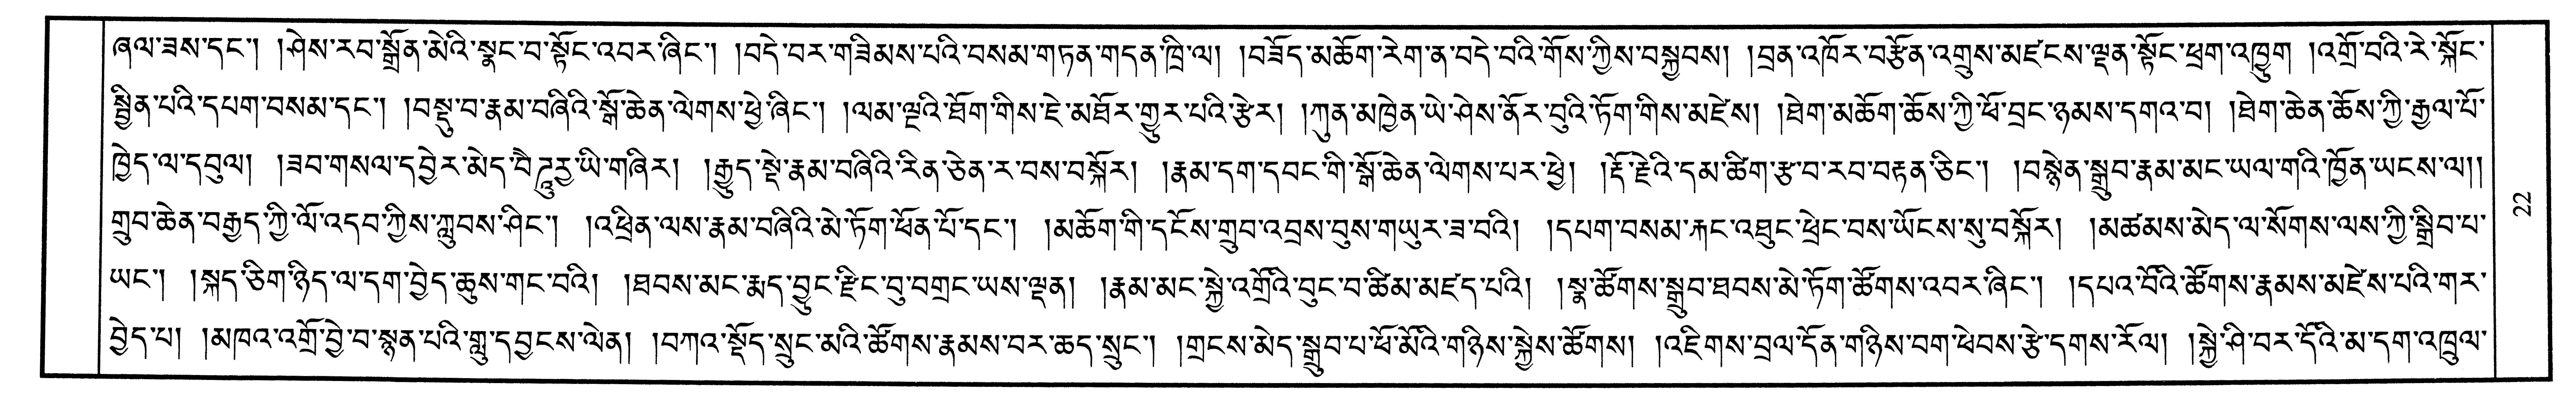ཞལ་ཟས་དང་། །ཤེས་རབ་སྒྲོན་མེའི་སྣང་བ་སྟོང་འབར་ཞིང་། །བདེ་བར་གཟིམས་པའི་བསམ་གཏན་གདན་ཁྲི་ལ། བཟོད་མཆོག་རེག་ན་བདེ་བའི་གོས་ཀྱིས་བསྐྱབས། །བྲན་འཁོར་བརྩོན་འགྲུས་མཛངས་ལྡན་སྟོང་ཕྲག་འཁྱུག །འགྲོ་བའི་རེ་སྐོང་
སྦྱིན་པའི་དཔག་བསམ་དང་། །བསྡུ་བ་རྣམ་བཞིའི་སྒོ་ཆེན་ལེགས་ཕྱེ་ཞིང་། །ལམ་ལྔའི་ཐོག་གིས་ཇེ་མཐོར་གྱུར་པའི་རྩེར། །ཀུན་མཁྱེན་ཡེ་ཤེས་ནོར་བུའི་ཏོག་གིས་མཛེས། །ཐེག་མཆོག་ཆོས་ཀྱི་ཕོ་བྲང་ཉམས་དགའ་བ། །ཐེག་ཆེན་ཆོས་ཀྱི་རྒྱལ་པོ་
ཁྱེད་ལ་དབུལ། །ཟབ་གསལ་དབྱེར་མེད་བཻཌཱུརྱ་ཡི་གཞིར། །རྒྱུད་སྡེ་རྣམ་བཞིའི་རིན་ཅེན་ར་བས་བསྐོར། །རྣམ་དག་དབང་གི་སྒོ་ཆེན་ལེགས་པར་ཕྱེ། །རྡོ་རྗེའི་དམ་ཚིག་རྩ་བ་རབ་བརྟན་ཅིང་། །བསྙེན་སྒྲུབ་རྣམ་མང་ཡལ་གའི་ཁྱོན་ཡངས་ལ། །
གྲུབ་ཆེན་བརྒྱད་ཀྱི་ལོ་འདབ་ཀྱིས་ཀླུབས་ཤིང་། །འཕྲིན་ལས་རྣམ་བཞིའི་མེ་ཏོག་ཕོན་པོ་དང་། །མཆོག་གི་དངོས་གྲུབ་འབྲས་བུས་གཡུར་ཟ་བའི། །དཔག་བསམ་རྐང་འཐུང་ཕྲེང་བས་ཡོངས་སུ་བསྐོར། མཚམས་མེད་ལ་སོགས་ལས་ཀྱི་སྒྲིབ་པ་
ཡང་། །སྐད་ཅིག་ཉིད་ལ་དག་བྱེད་ཆུས་གང་བའི། །ཐབས་མང་རྨད་བྱུང་རྫིང་བུ་བགྲང་ཡས་ལྡན། །རྣམ་མང་སྐྱེ་འགྲོའི་བུང་བ་ཚིམ་མཛད་པའི། །སྣ་ཚོགས་སྒྲུབ་ཐབས་མེ་ཏོག་ཚོགས་འབར་ཞིང་། །དཔའ་བོའི་ཚོགས་རྣམས་མཛེས་པའི་གར་
བྱེད་པ། །མཁའ་འགྲོ་བྱེ་བ་སྙན་པའི་གླུ་དབྱངས་ལེན། །བཀའ་སྡོད་སྲུང་མའི་ཚོགས་རྣམས་བར་ཆད་སྲུང་། །གྲངས་མེད་སྒྲུབ་པ་ཕོ་མོའི་གཉིས་སྐྱེས་ཚོགས། །འཇིགས་བྲལ་དོན་གཉིས་བག་ཕེབས་རྩེ་དགས་རོལ། །སྐྱེ་ཤི་བར་དོའི་མ་དག་འཁྲུལ་